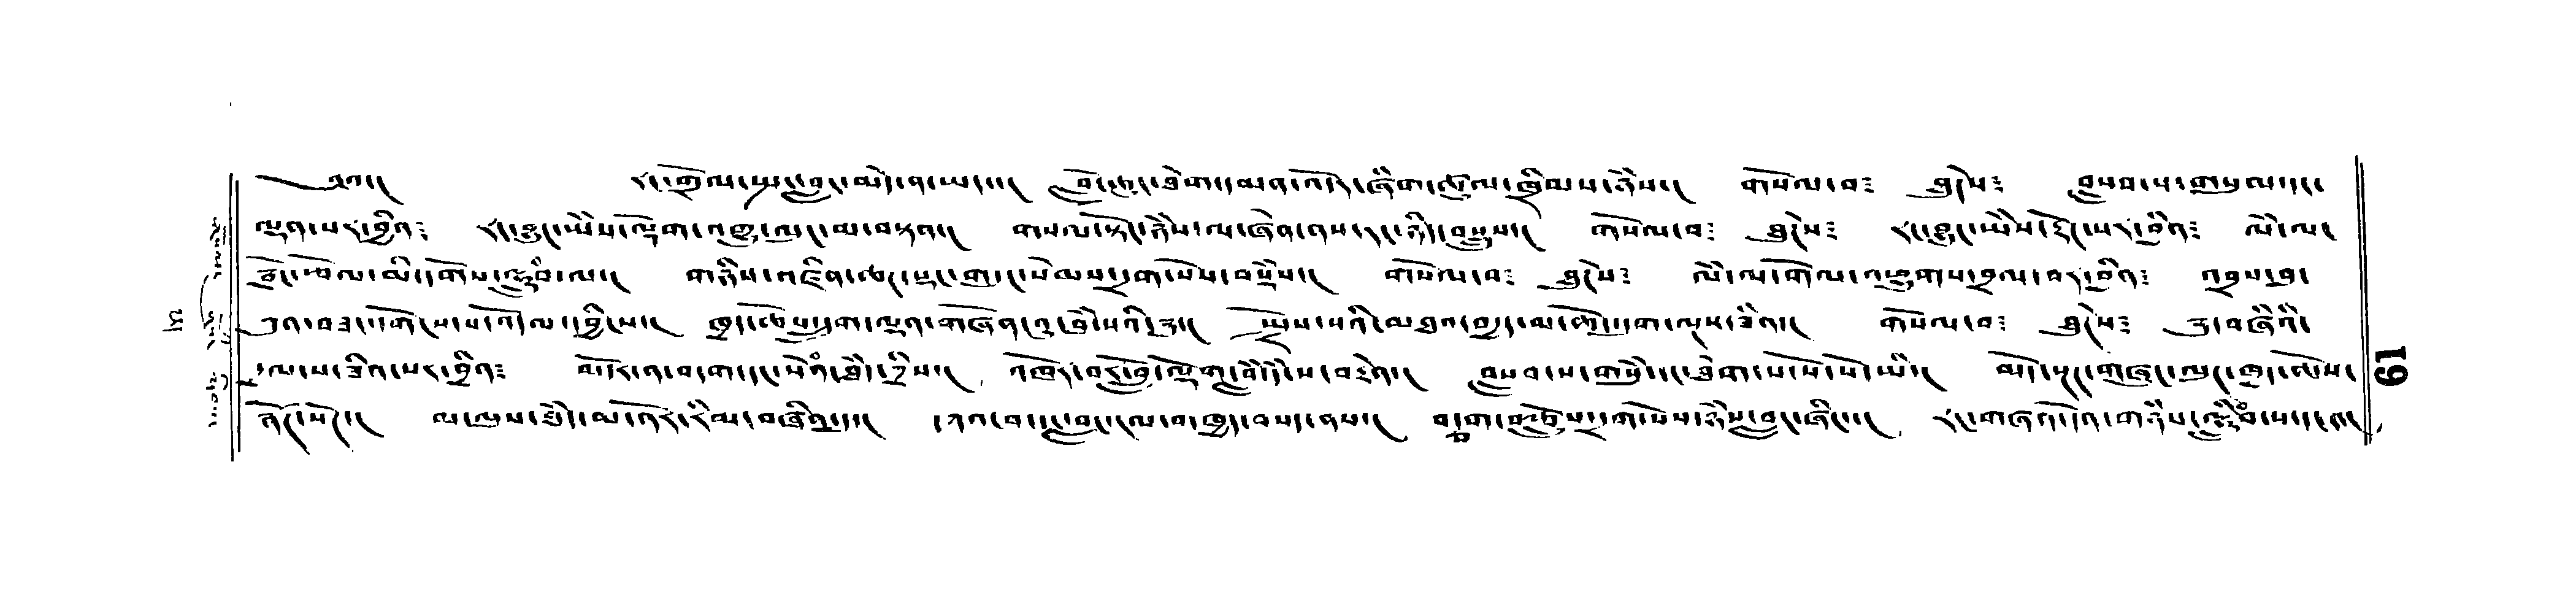རང་གྲོལ་སྤང་བླང་མེད་ན་ཡང་། །བློ་ཆུང་ཐེག་དམན་འདོར་ཞིག་ཚུལ་ཁྲིམས་ཉམས། །གསོལ་བ༴ ཐུགས་རྗེས༴ བསླབ་པ་གསུམ་དང་
ལྡན་པར་བྱིན༴ རང་བྱུང་ཡེ་ཤེས་ལྐོག་འགྱུར་ལུང་མ་བསྟན། །གསལ་སྟོང་ཉམས་ལ་ཞེན་ནས་རང་ཉིད་བསླུས། །གསོལ་བ༴ ཐུགས་རྗེས༴ རང་བྱུང་ཡེ་ཤེས་རྟོགས་པར་བྱིན༴ ལམ་ལ་
སྦྱང་རྩོལ་མི་དགོས་ལྷུན་གྲུབ་ལ། །གཉིས་འཛིན་ཆགས་སྡང་གདུང་སེམས་དྲག་པོས་བསྡམས། །གསོལ་བ༴ ཐུགས་རྗེས༴ ལམ་ལ་གོལ་འཕྱུགས་བྲལ་བར་བྱིན༴འབྲས་བུ་
ཀུན་བཟང་དགོངས་པ་འོད་གསལ་དབྱིངས། ཁྱད་ཆོས་དྲུག་ལྡན་གཞོན་ནུ་བུམ་པའི་སྐུ། །སྤྲོས་པའི་མཐའ་བརྒྱད་མ་ཆོད་དུག་ལྔས་ཟིན། །གསོལ་བ༴ ཐུགས་རྗེས༴ སྐུ་བཞིའི་
རྒྱལ་ས་ཟིན་པར་བྱིན༴ མདོར་ན་བདག་དང་སེམས་ཅན་ཐམས་ཅད་ཀྱིས། །འཁོར་བར་བློ་ལྡོག་བླ་མ་དམ་པ་བརྟེན། །བསླབ་པ་གསུམ་དང་ཐེག་པ་སོ་སོ་ཡི། །མདོ་སྔགས་གཞུང་ལུགས་ཁྱད་ཆོས་
སྣ་ཚོགས་སོགས། །མ་ལུས་ཐམས་ཅད་མ་ནོར་རིམ་བཞིན་དུ། །དཀའ་བ་དང་བླངས་ངལ་བ་ཁྱད་བསད་ནས། །བདག་ཅག་བརྩོན་འགྲུས་དྲག་པོས་ཉམས་བླང་ཞིང་། །རང་གཞན་དོན་གཉིས་ལྷུན་གྱི་གྲུབ་པ་དང་།